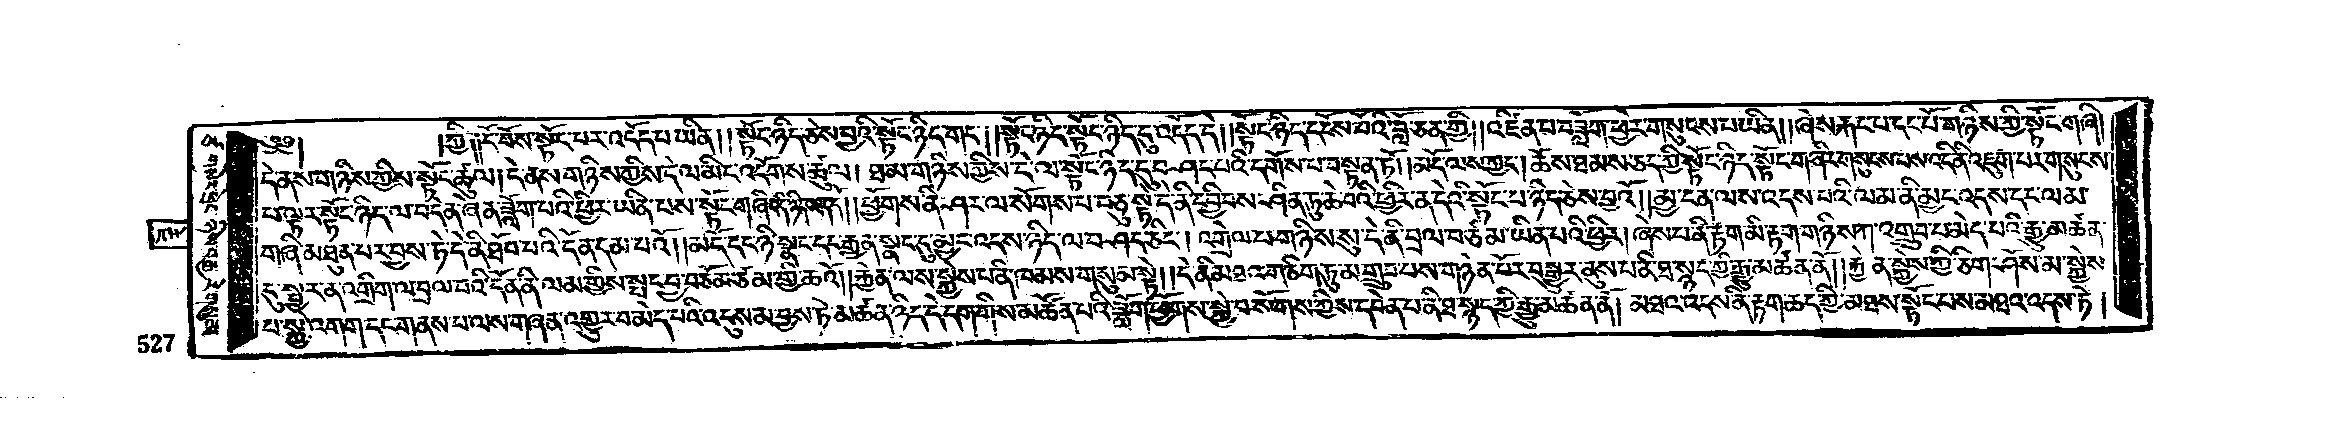༄༅། །ཀྱི། །ངོ་བོས་སྟོང་པར་འདོད་པ་ཡིན། །སྟོང་ཉིད་ཅེས་བྱའི་སྟོང་ཉིད་གང་། །སྟོང་ཉིད་སྟོང་ཉིད་དུ་འདོད་དེ། །སྟོང་ཉིད་དངོས་པོའི་བློ་ཅན་གྱི། །འཛིན་པ་བཟློག་ཕྱིར་གསུངས་པ་ཡིན། །ཞེས་རྐང་པ་དང་པོ་གཉིས་ཀྱི་སྟོང་གཞི།
དེ་ནས་གཉིས་ཀྱིས་སྟོང་ཚུལ། དེ་ནས་གཉིས་ཀྱིས་དེ་ལ་མིང་འདོགས་ཚུལ། ཐ་མ་གཉིས་ཀྱིས་དེ་ལ་སྟོང་ཉིད་དུ་བཤད་པའི་དགོས་པ་བསྟན་ཏོ། །མདོ་ལས་ཀྱང་། ཆོས་ཐམས་ཅད་ཀྱི་སྟོང་ཉིད་སྟོང་གཞིར་གསུངས་པས་འདི་ནི་འཇུག་པར་གསུངས་
པ་ལྟར་སྟོང་ཉིད་ལ་བདེན་ཞེན་ཟློག་པའི་ཕྱིར་ཡིན་པས་སྟོང་གཞི་འདི་ཉིད་འཐད་དོ། །ཕྱོགས་ནི་ཤར་ལ་སོགས་པ་བཅུ་སྟེ་དེ་ནི་དབྱིབས་ཤིན་ཏུ་ཆེ་བའི་ཕྱིར་ན་དེའི་སྟོང་པ་ཉིད་ཅེས་བྱའོ། །མྱ་ངན་ལས་འདས་པའི་ལམ་ནི་མྱང་འདས་དང་ལམ་
གཞི་མཐུན་པར་བྱས་ཏེ་དེ་ནི་ཐོབ་པའི་དོན་དམ་པའོ། །མདོ་དང་ཉི་སྣང་དང་རྒྱན་སྣང་དུ་མྱང་འདས་ཉིད་ལ་བཤད་ཅིང་། འགྲེལ་པ་གཉིས་སུ་དེ་ནི་བྲལ་བ་ཙམ་ཡིན་པའི་ཕྱིར། ཞེས་པ་ནི་རྟག་མི་རྟག་གཉིས་ཀ་འགྲུབ་པ་མེད་པའི་རྒྱུ་མཚན་
དུ་སྦྱར་ན་འགྲིག་འབྲལ་བའི་དོན་ནི་ལམ་གྱིས་སྤང་བྱ་བཅོམ་ཙམ་གྱི་ཆའོ། །རྐྱེན་ལས་སྐྱེས་པ་ནི་ཁམས་གསུམ་སྟེ། །དེ་ནི་མཐའ་གཅིག་ཏུ་མ་གྲུབ་པས་གཉེན་པོར་བསྒྱུར་ནུས་པ་ནི་ཐ་སྙད་ཀྱི་རྒྱུ་མཚན་ནོ། །རྐྱེན་སྐྱེས་ཀྱི་ཅིག་ཤོས་མ་སྐྱེས་
པ་སྐྱེ་འགག་དང་གནས་པ་ལས་གཞན་འགྱུར་བ་མེད་པའི་འདུས་མ་བྱས་ཏེ་མཚན་ཉིད་དེ་དག་གིས་མཚོན་པའི་ཟློག་ཕྱོགས་སྐྱེ་བ་སོགས་ཀྱིས་དབེན་པ་ནི་ཐ་སྙད་ཀྱི་རྒྱུ་མཚན་ནོ། མཐའ་འདས་ནི་རྟག་ཆད་ཀྱི་མཐས་སྟོང་པས་མཐའ་འདས་ཏེ།